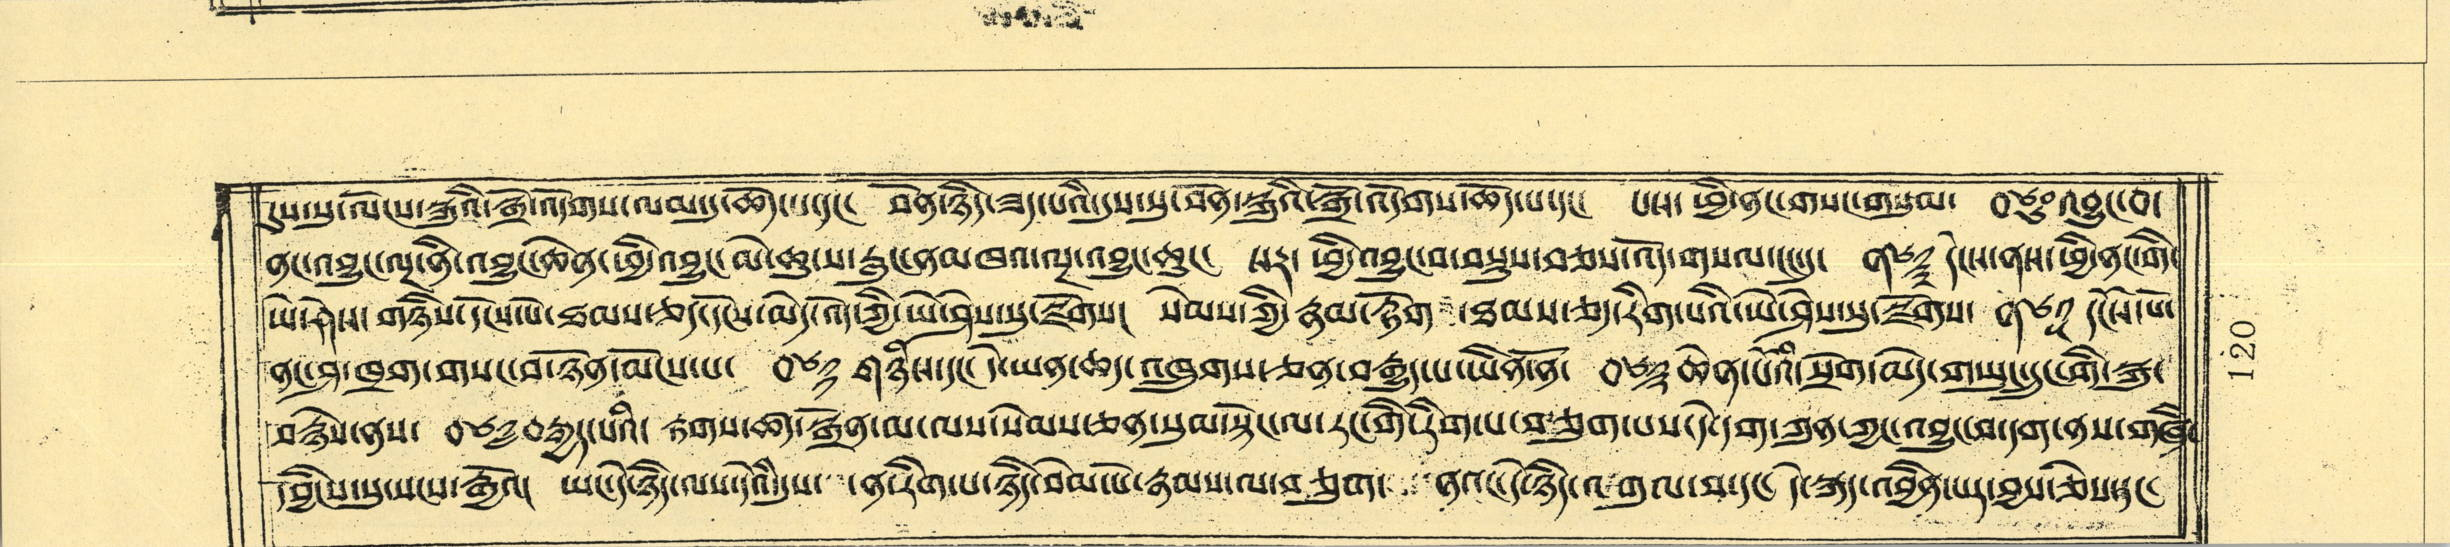དུས་སུ་ལོངས་སྐུའི་སྒྲོ་འདོགས་ལམ་དུ་ཆོད་པ་དང་། བོན་ཉིད་ཟད་པའི་དུས་སུ་བོན་སྐུའི་སྒྲོ་འདོགས་ཆོད་པ་དང་།༼པས༽ཕྱི་ནང་གསང་གསུམ་བ༦༠།༦༼འབྱུང་བ༽
ནང་འབྱུང་ལྔ་ནི་འབྱུང་ཆེན་ཕྱི་འབྱུང་མེ་ཆུ་ས་རླུང་ནམ་མཁའ་ལྔ་འབྱུང་ཆུང་།༼སར༽ཕྱི་འབྱུང་བ་བསྡུས་བཅས་འོད་གསལ་ངང་དུ་ན༦༡།༣༼དེངས་ནས༽ཕྱི་ནང་གི་
༼ཡེ་ཤེས༽གཉིས་དངོས་པོ་ཐམས་ཅད་དངོས་མེད་འོད་ཀྱི་ཡེ་ཤེས་སུ་རྫོགས་སེམས་ཀྱི་རྣམ་རྟོག་ཐམས་ཅད་རིག་པའི་ཡེ་ཤེས་སུ་རྫོགས་ན༦༡།༥༼དངོས༽པོ་
ནང་ཤ་ཁྲག་གསང་བ་ཉོན་མོངས་པ་བ༦༡།༡༼གཉིས་དང༽དེ་ཡན་ཆད་འཁྲུག་ཅན་བརྒྱུད་པ་ཡིན་ནོ། བ༦༡།༢༼ཆེན་པོའི༽སྲོག་མེད་གཡུང་དྲུང་གི་སྐུ་
བརྙེས་ནས་བ༦༡།༤༼བརྒྱད་པའི༽རྟགས་ཚད་སྒྲོན་མ་ལས་སེམས་ཅན་སུམ་སྟོང་ལ་རང་གི་རིག་པ་བཅུག་པས་དེ་དག་ཀྱང་འབྱུང་བ་དག་ནས་གཞི་
དབྱིངས་སུ་སངས་རྒྱས་སོ། ཡང་དེ་ཉིད་ལས། དེའི་དུས་ན་རིག་པ་ཉིད་བེམ་པོ་རྣམས་ལ་བཅུག་ནའང་དེ་ཉིད་འགུལ་བ་དང་དེ་སྐད་འབྱིན་པར་བྱས་ཅེས་དང་